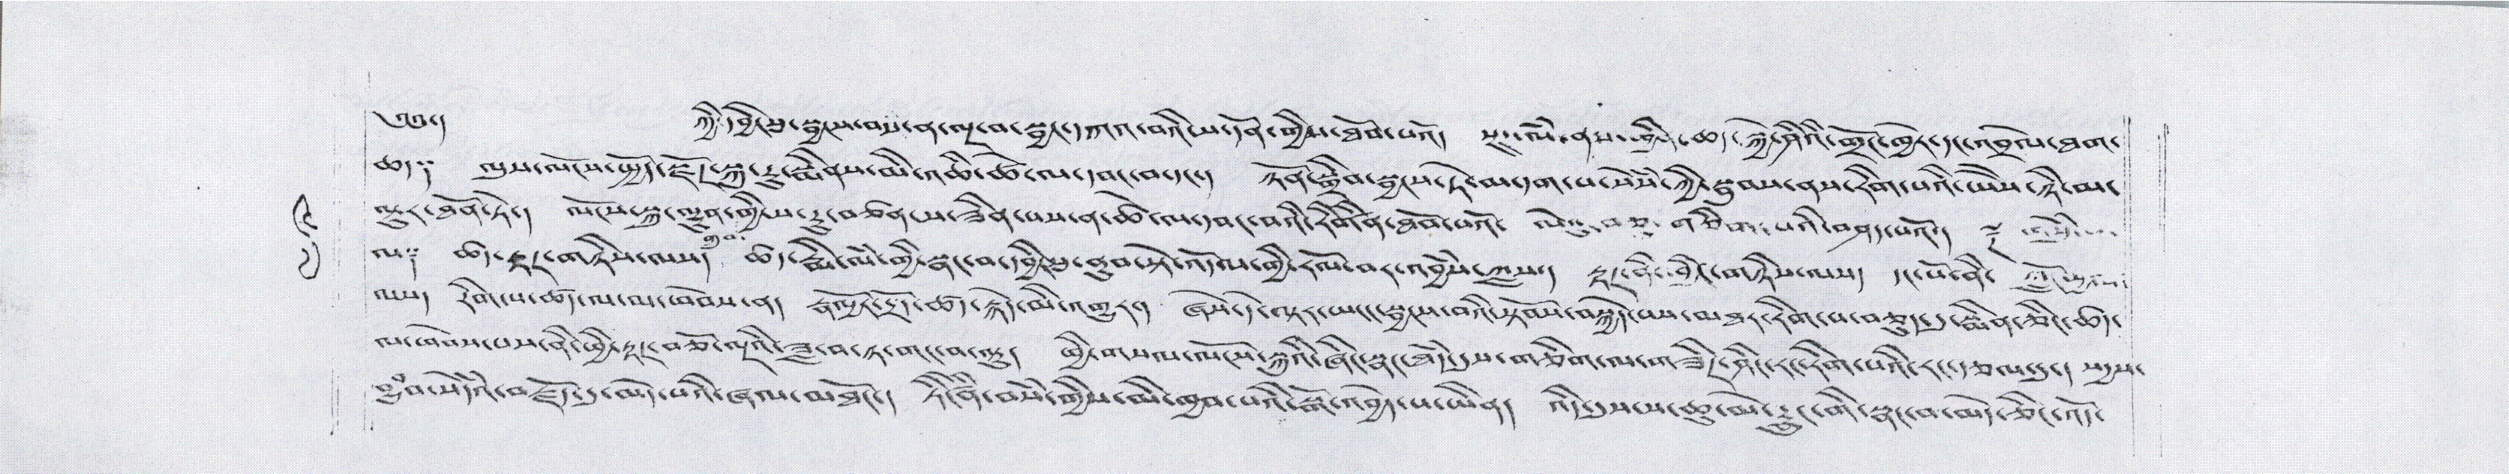ཀྱི་དབྱིངས་སུ་སྦྱངས་པས་ན་ལྔ་པ་དཀའ་བའི་ས་དོན་གྱིས་ཐོབ་པའོ། སྔགས་ལམ་ནས་ཕྱིན་ཆད་སྐྱེ་ཤིའི་གྲོང་ཁྱེར་དང་འབྲེལ་ཐག་
ཆད། ལུས་ལོངས་སྤྱོད་རྫོགས་སྐུ་རུ་སྨིན་ནས་མི་འཆི་ཚེ་ལ་དབང་བ་དང་། ཉོན་སྒྲིབ་སྦྱངས་ཏེ་མ་དག་པ་སེམས་ཀྱི་སྦུབས་ནས་རིག་པའི་ཡེ་ཤེས་ཉི་མ་
ལྟ་བུར་ཐོན་ཏེ། ལོངས་སྐུ་ལྷུན་གྲུབ་ཀྱི་ས་རུ་བཙན་ས་ཟིན་པས་ན་ཚེ་ལ་དབང་བའི་རིག་འཛིན་ཐོབ་པའོ། ལེའུ་བཅ་གཅིག་པའི་བཤད་པའོ། །གསུམ་པ་
ལ། ཚད་རྟགས་གཉིས་ལས། ཚད་རྨི་ལམ་གྱི་སྣང་བ་དབྱིངས་སུ་ནུབ་སྟེ་འོད་གསལ་གྱི་རོལ་པར་འབྱམས་ཀླས། རྟགས་ནི་ཕྱི་ནང་གཉིས་ལས། དང་པོ་ནི། ཀློང་གསལ་
ལས། རིག་པ་ཚད་ལ་མ་ཕེབས་ན། རྣལ་འབྱོར་དྲོད་ཚད་རྙེད་མི་འགྱུར། ཞེས་དེ་ལྟར་ཡང་ཡང་སྦྱངས་པའི་སྟོབས་བསྐྱེད་པས་མཐར་རིག་པ་བཅུད་དུ་སྨིན་ཅིང་ཚད་
ལ་ཕེབས་པས་ནི་ཕྱི་རྟགས་བཅོ་ལྔའི་ཟླ་བ་ཉ་གང་བ་ལྟ་བུ། ཕྱི་གསལ་ལོངས་སྐུའི་ཞིང་སྣང་ཐམས་ཅད་དུས་གཅིག་ལ་གཟིགས་ལ་ཤིང་རང་རིག་པའི་རང་རྩལ་དུ་སངས་རྒྱས་
བྱང་ཆུབ་སེམས་དཔའ་བརྗོད་དུ་མེད་པའི་ཞལ་མཐོང་། ཏིང་འཛིན་བསམ་གྱིས་མི་ཁྱབ་པའི་སྒོ་འབྱེད་པ་ཡིན། འདི་དུས་ས་ཆུ་མེ་རླུང་གི་སྣང་བ་མེད་ཅིང་འོད་